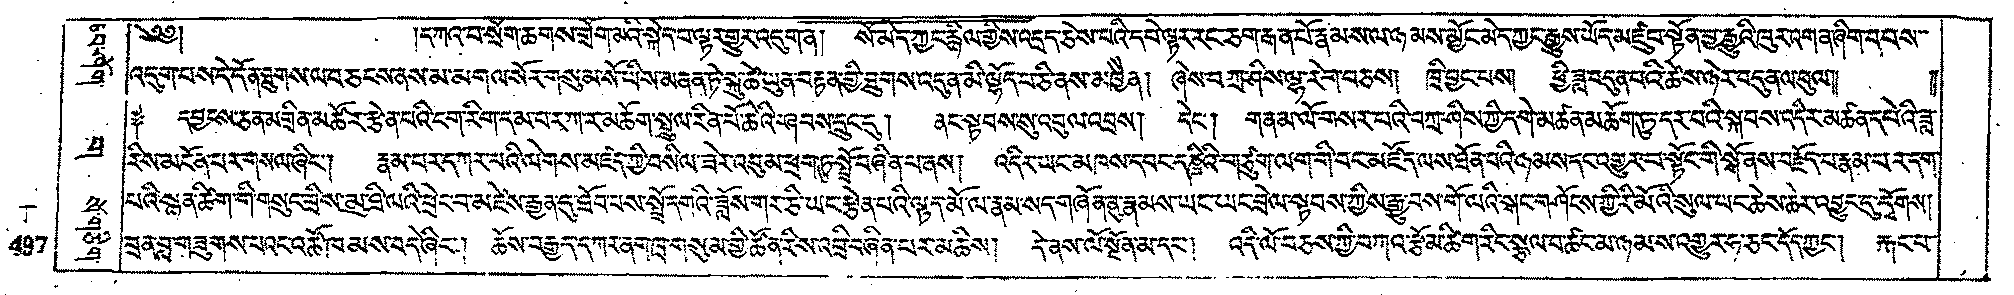༄༅། །དཀའ་བ་སྲོག་ཆགས་གྲོག་མའི་སྐེད་པ་ལྟར་གྱུར་འདུག་ན། སོ་མེད་ཀྱང་རྙིལ་གྱིས་འདྲད་ཅེས་པའི་དཔེ་ལྟར་རང་ཅག་རྒན་པོ་རྣམས་ལ་ཉམས་མྱོང་མེད་ཀྱང་རྒྱུས་ཡོད་མཛུབ་སྟོན་བྱ་རྒྱུའི་ཁུར་འགན་ཞིག་བབས་་་
འདུག་པས་དེ་དོན་ཐུགས་ལ་བཅངས་ནས་མ་མགལ་སོར་གསུམ་སོ་ཡིས་མནན་ཏེ་སྐུ་ཚེ་ཡུན་བརྟན་གྱི་ཐུགས་འདུན་མི་ལྷོད་པ་ཅི་ནས་མཁྱཻཨེན། ཞེས་བཀྲ་ཤིས་ལྷ་རེག་བཅས། ཁྲི་བྱང་པས། ཕྱི་ཟླ་བདུན་པའི་ཚེས་ཉེར་བདུན་ལ་ཕུལ།། །།
འ་དབྱངས་ཅན་མགྲིན་མཚོར་རྩེན་པའི་ངག་རིག་དམ་པ་ར་ར་མཆོག་སྤྲུལ་རིན་པོ་ཆེའི ༧ཞབས་དྲུང་དང་། ནང་སྟབས་སུ་འབུལ་འབྲས། དེང་། གནམ་ལོ་གསར་པའི་བཀྲ་ཤིས་ཀྱི་དགེ་མཚན་མཆོག་ཏུ་དར་བའི་སྐབས་འདིར་མཚན་དཔེའི་ཟླ་
རིས་མངོན་པར་གསལ་ཞིང་། རྣམ་པར་དཀར་པའི་ལེགས་མཛད་ཀྱི་བསིལ་ཟེར་འབུམ་ཕྲག་ཏུ་སྤྲོ་བཞིན་པ་ནས། འདིར་ཡང་མཁས་དབང་དཎྜིའི་གཙུག་ལག་གི་བང་མཛོད་ལས་ཐོན་པའི་ཉམས་དང་འགྱུར་བ་སྟོང་གི་སྒོ་ནས་བརྗོད་པ་རྣམ་པར་དག་
པའི་སྙན་ཚིག་གི་གསུང་བྲིས་མུ་ཐི་ལའི་ཕྲེང་བ་མཛེས་རྒྱན་དུ་ཐོབ་པས་སྤྲོ་དགའི་ཟློས་གར་ཅི་ཡང་རྩེན་པའི་ལྟད་མོ་ལ་རྣམ་སད་གཞོན་ནུ་རྣམས་ཡང་ཡང་བྲེལ་སྟབས་ཀྱིས་རྒྱུ་བས་གོ་ལའི་སྒང་གཤོངས་ཀྱི་རི་མོའི་སུལ་ཡང་ཆེས་ཆེར་འབྱུང་དུ་དྭོགས།
ཕྲན་བླ་གཟུགས་པའང་འཚོ་ཁམས་བདེ་ཞིང་། ཆོས་བརྒྱད་དཀར་ནག་ཁྲ་གསུམ་གྱི་ཚོན་རིས་འབྲི་བཞིན་པར་མཆིས། དེ་ནས་ལོ་སྔོན་མ་དང་། འདི་ལོ་བཅས་ཀྱི་བཀའ་རྩོམ་ཚིག་རིང་སྩལ་བ་ཚང་མ་ཉམས་འགྱུར་ཧ་ཅང་དོད་ཀྱང་། རྐང་པ་་་